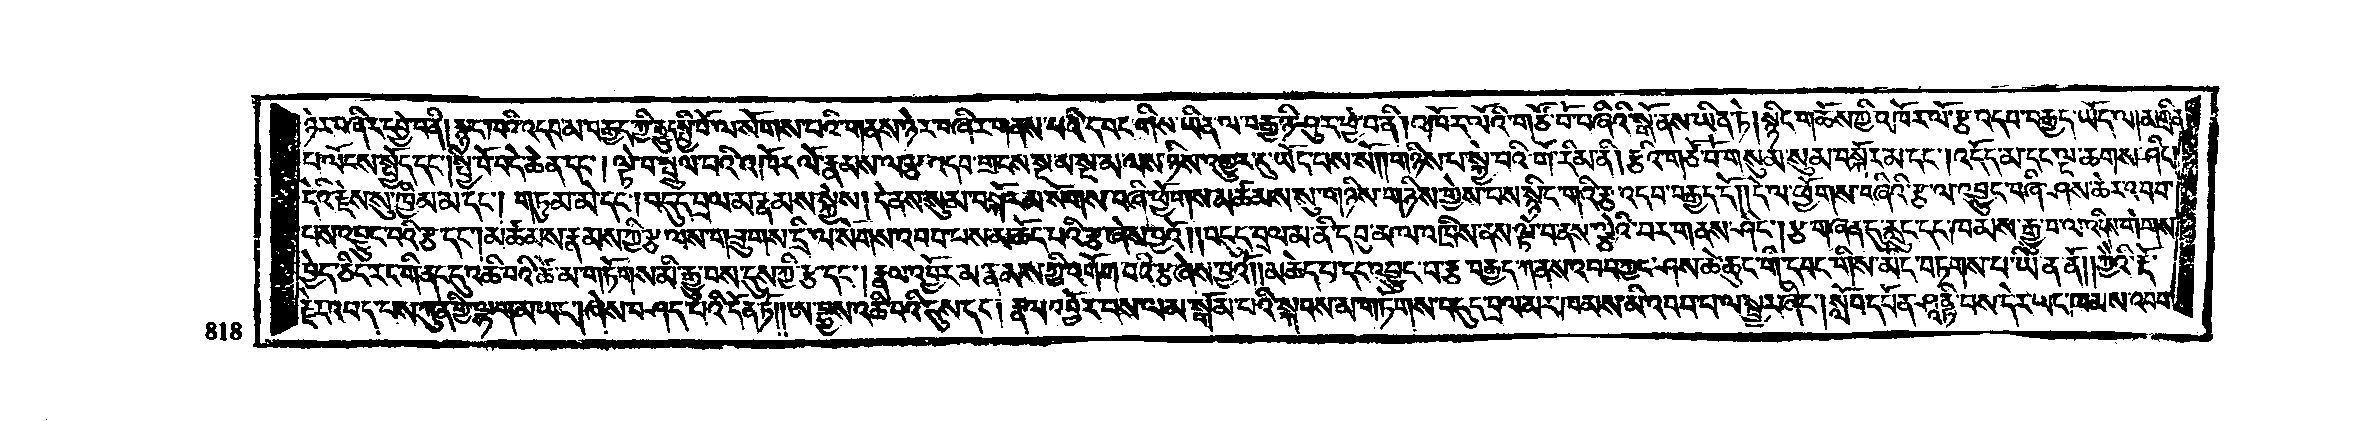ཉེར་བཞིར་དབྱེ་བ་ནི། །སྙང་ཁའི་འདབ་མ་བརྒྱད་ཀྱི་རྒྱུད་སྤྱི་བོ་ལ་སོགས་པའི་གནས་ཉེར་བཞིར་གནས་པའི་དབང་གིས་ཡིན་ལ་བརྒྱ་ཉི་ཤུར་ཕྱེ་བ་ནི། འཁོར་ལོའི་གཙོ་བོ་བཞིའི་སྒོ་ནས་ཡིན་ཏེ། སྙིང་ག་ཆོས་ཀྱི་འཁོར་ལོ་རྩ་འདབ་བརྒྱད་ཡོད་ལ། མགྲིན་
པ་ལོངས་སྤྱོད་དང་། སྤྱི་བོ་བདེ་ཆེན་དང་། ལྟེ་བ་སྤྲུལ་པའི་འཁོར་ལོ་རྣམས་ལ་རྩ་འདབ་གྲངས་སྔ་མ་སྔ་མ་ལས་ཉིས་འགྱུར་དུ་ཡོད་པས་སོ། །གཉིས་པ་སྐྱེ་བའི་གོ་རིམ་ནི། རྩའི་གཙོ་བོ་གསུམ་སུམ་བསྐོར་མ་དང་། འདོད་མ་དང་ལྔ་ཆགས་ཤིང་།
དེའི་རྗེས་སུ་ཁྱིམ་མ་དང་། གཏུམ་མེ་དང་། བདུད་བྲལ་མ་རྣམས་སྐྱེས། དེ་ནས་སུམ་བསྐོར་མ་སོགས་བཞི་ཕྱོགས་མཚམས་སུ་གཉིས་གཉིས་གྱེས་པས་སྙིང་གའི་རྩ་འདབ་བརྒྱད་དོ། །དེ་ལ་ཕྱོགས་བཞིའི་རྩ་ལ་འབྱུང་བཞི་ཤས་ཆེར་འབབ་
པས་འབྱུང་བའི་རྩ་དང་། མཚམས་རྣམས་ཀྱི་རྩ་ལས་གཟུགས་དྲི་ལ་སོགས་འབབ་པས་མཆོད་པའི་རྩ་ཞེས་བྱའོ། །བདུད་བྲལ་མ་ནི་དབུ་མ་ལ་འཁྲིས་ནས་ལྟེ་བ་ནས་ལྕེའི་བར་གནས་ཤིང་། རྩ་གཞན་དུ་རླུང་དང་ཁམས་རྒྱུ་བ་ལ་འདིས་གེགས་
བྱེད་ཅིང་རང་གི་ནང་དུ་འཆི་བའི་ཚེ་མ་གཏོགས་མི་རྒྱུ་བས་དུས་ཀྱི་རྩ་དང་། རྣལ་འབྱོར་མ་རྣམས་ཀྱི་འགོག་པའི་རྩ་ཞེས་བྱའོ། །མཆེད་པ་དང་འབྱུང་བ་རྩ་བརྒྱད་ཀ་ནས་འབབ་ཀྱང་ཤེས་ཆེ་ཆུང་གི་དབང་གིས་མིང་བཏགས་པ་ཡིན་ནོ། །ཀྱཻའི་རྡོ་
རྗེར་འབད་པས་ཀུན་གྱི་ལྷག་མ་ཡང་། ཞེས་བཤད་པའི་དོན་ཏོ། །ཨ་བྷྱས་འཆི་བའི་དུས་དང་། རྣལ་འབྱོར་བས་ལམ་སྒོམ་པའི་སྐབས་མ་གཏོགས་བདུད་བྲལ་མར་ཁམས་མི་འབབ་པ་ལ་སྦྱར་ཞིང་། སློབ་དཔོན་ཤཱནཏི་པས་དེར་ཡང་ཁམས་འབབ་